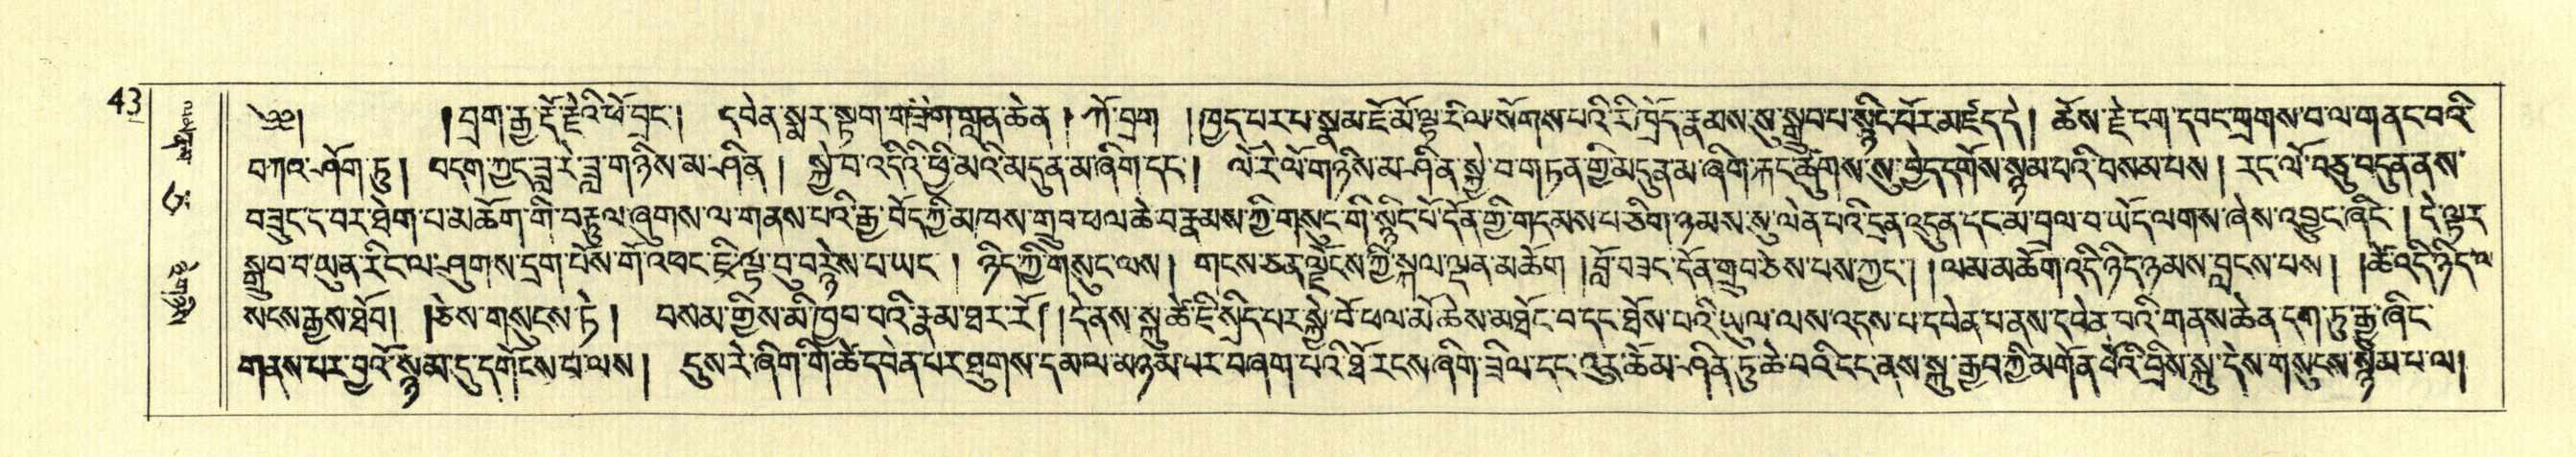༄༅། །བྲག་རྒྱ་རྡོ་རྗེའི་ཕོ་བྲང་། དབེན་སྨར་སྟག་གཟིག་གླན་ཆེན། ཀོ་བྲག །ཁྱད་པར་པ་སྣམ་ཇོ་མོ་ལྷ་རི་ལ་སོགས་པའི་རི་ཁྲོད་རྣམས་སུ་སྒྲུབ་པ་སྙིང་པོར་མཛད་དེ། ཆོས་རྗེ་ངག་དབང་གྲགས་པ་ལ་གནང་བའི་
བཀའ་ཤོག་ཏུ། བདག་ཀྱང་ཟླ་རེ་ཟླ་གཉིས་མ་ཤིན། སྐྱེ་བ་འདིའི་ཕྱི་མའི་མདུན་མ་ཞིག་དང་། ལོ་རེ་ལོ་གཉིས་མ་ཤི་ན་སྐྱེ་བ་གཏན་གྱི་མདུན་མ་ཞིག་རྐང་ཚུགས་སུ་བྱེད་དགོས་སྙམ་པའི་བསམ་པས། རང་ལོ་བཅུ་བདུན་ནས་
བཟུང་ད་བར་ཐེག་པ་མཆོག་གི་བརྟུལ་ཞུགས་ལ་གནས་པའི་རྒྱ་བོད་ཀྱི་མཁས་གྲུབ་ཕལ་ཆེ་བ་རྣམས་ཀྱི་གསུང་གི་སྙིང་པོ་དོན་གྱི་གདམས་པ་ཅིག་ཉམས་སུ་ལེན་པའི་དྲན་འདུན་དང་མ་བྲལ་བ་ཡོད་ལགས་ཞེས་འབྱུང་ཞིང་། དེ་ལྟར་
སྒྲུབ་པ་ཡུན་རིང་ལ་ཤུགས་དྲག་པོས་གོ་འཕང་ཇི་ལྟ་བུ་བརྙེས་པ་ཡང་། ཉིད་ཀྱི་གསུང་ལས། གངས་ཅན་ལྗོངས་ཀྱི་སྐལ་ལྡན་མཆོག །བློ་བཟང་དོན་གྲུབ་ཅེས་པས་ཀྱང་། །ལམ་མཆོག་འདི་ཉིད་ཉམས་བླངས་པས། །ཚེ་འདི་ཉིད་ལ་
སངས་རྒྱས་ཐོབ། །ཅེས་གསུངས་ཏེ། བསམ་གྱིས་མི་ཁྱབ་པའི་རྣམ་ཐར་རོ། །དེ་ནས་སྐུ་ཚེ་ཇི་སྲིད་པར་སྐྱེ་བོ་ཕལ་མོ་ཆེས་མཐོང་བ་དང་ཐོས་པའི་ཡུལ་ལས་འདས་པ་དབེན་པ་ནས་དབེན་པའི་གནས་ཆེན་དག་ཏུ་རྒྱུ་ཞིང་
གནས་པར་བྱའོ་སྙམ་དུ་དགོངས་པ་ལས། དུས་རེ་ཞིག་གི་ཚེ་དབེན་པར་ཐུགས་དམ་ལ་མཉམ་པར་བཞག་པའི་ཐོ་རངས་ཞིག་ཟིལ་དང་འུར་ཆོམ་ཤིན་ཏུ་ཆེ་བའི་ངང་ནས་སྐུ་རྒྱབ་ཀྱི་མགོན་པོའི་བྲིས་སྐུ་དེས་གསུངས་སྙམ་པ་ལ།